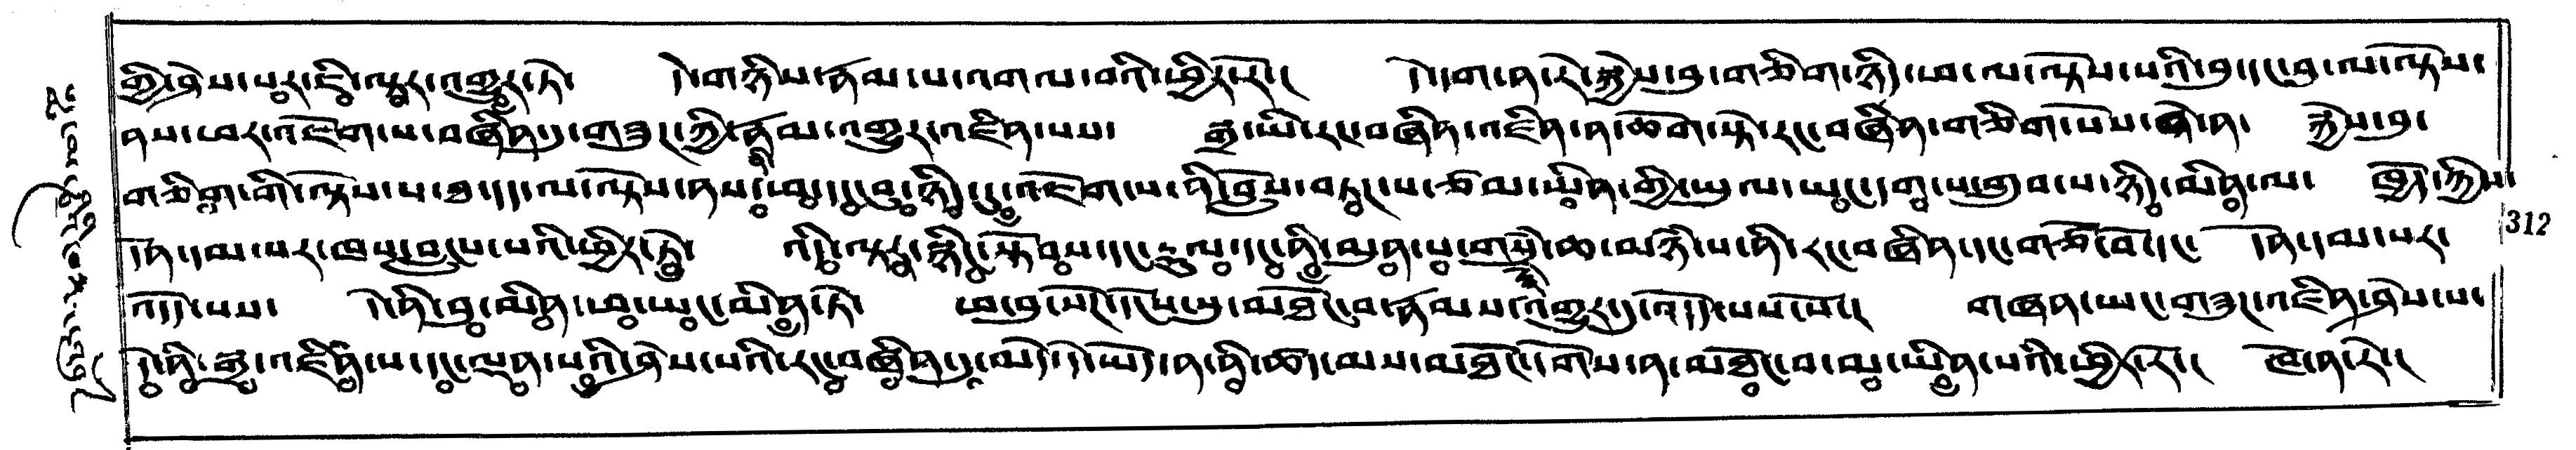གྱི་ཤེས་པར་ཇི་ལྟར་འགྱུར་ཏེ། དེ་གཉིས་རྣམ་པ་འགལ་བའི་ཕྱིར་རོ། དེ་དག་ན་རེ་སྐྱེས་བུ་གཅིག་ཉིད་ཕ་ལ་ལྟོས་པའི་བུ་དང་བུ་ལ་ལྟོས་
ནས་ཕར་འཇོག་པ་བཞིན་དུ་གཟུགས་ཀྱི་རྣམ་འགྱུར་འཛིན་པས། སྒྲ་ཡི་རང་བཞིན་འཛིན་ན་ཆོག་སྟེ་རང་བཞིན་གཅིག་པས་སོ་ཞེ་ན། སྐྱེས་བུ་
གཅིག་གི་ལྟོས་ས་ཐ་དད་ལ་ལྟོས་ནས་ནི་ཕ་དང་བུ་ཉིད་དུ་འཇོག་པ་ནི་བློས་བཏགས་པ་ཙམ་ཡིན་གྱི་ཡུལ་ཡང་དག་པ་གྲུབ་པ་ཉིད་མིན་ལ། ཁྱོད་ཀྱིས་
དོན་དམ་པར་ཁས་བླངས་པའི་ཕྱིར་ཏེ། འདི་ལྟར་སྙིང་སྟོབས་དང་རྡུལ་དང་ནི་མུན་པ་གསུམ་ཆ་མཉམ་པ་ནི་རང་བཞིན་དང་གཙོ་བོ་དང་། དོན་དམ་པར་
འདོད་པས། དེ་ནི་བུ་མིན་ཕ་ཡང་མིན་ཏེ། ཕ་བུ་སོགས་དངོས་སུ་མཐོང་བ་རྣམ་འགྱུར་དུ་འདོད་པས་སོ། གཞན་ཡང་གཟུགས་འཛིན་ཤེས་པ་
དེ་ནི་སྒྲ་འཛིན་པ་དང་ལྡན་པའི་ཤེས་པའི་རང་བཞིན་དུ་མེད་དེ་ཡོད་ན་ནི་ཚད་མས་མཐོང་དགོས་ན་མཐོང་བ་མ་ཡིན་པའི་ཕྱིར་རོ། ཁོ་ན་རེ།